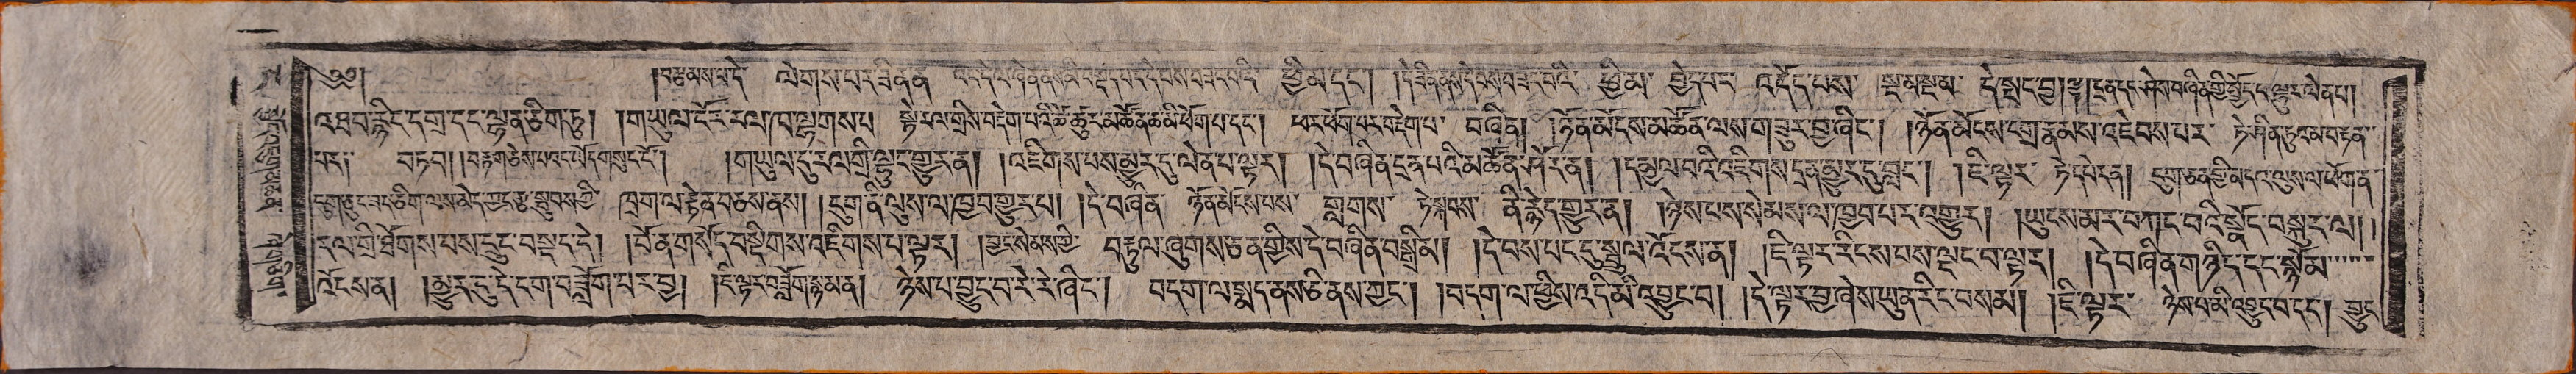༄༅། །བརྩམས་པ་དེ་ལེགས་པར་ཟིན་ན་འང་དེ་ལ་ཞེན་ནས་མི་བསད་པར་དེ་བས་བཟང་བའི་ཕྱི་མ་དང་། །དེ་ཟིན་ནས་དེ་བས་བཟང་བའི་ཕྱི་མ་བྱེད་པར་འདོད་པས་སྔ་མ་སྔ་མ་དེ་སྤང་བྱ། ༈ །དྲན་དང་ཤེས་བཞིན་གྱི་སྤྱོད་པ་ལྷུར་ལེན་པ།
འཐབ་རྙིང་དགྲ་དང་ལྷན་ཅིག་ཏུ། །གཡུལ་དོར་རལ་ཁ་ལྷགས་པ་སྟེ་རལ་གྲིས་བརྡེག་པའི་ཚེ་ཚུར་མཚོན་ཆ་མི་ཕོག་པ་དང་། ཕར་ཕོག་པར་བརྡེག་པ་བཞིན། །ཉོན་མོངས་མཚོན་ལས་གཟུར་བྱ་ཞིང་། །ཉོན་མོངས་དགྲ་རྣམས་འཇེབས་པར་ཏེ་ཤིན་ཏུའམ་བརྟན་
པར། བཏབ། །བརྟོག་ཅེས་བའང་ཡོད་གསུང་ངོ།  །གཡུལ་དུ་རལ་གྲི་ལྷུང་གྱུར་ན། །འཇིགས་པས་མྱུར་དུ་ལེན་པ་ལྟར། །དེ་བཞིན་དྲན་པའི་མཚོན་ཤོར་ན། །དམྱལ་བའི་འཇིགས་དྲན་མྱུར་དུ་བླང་། །ཇི་ལྟར་ཏེ་དཔེར་ན། དགུ་ཅན་གྱི་མདའ་ལུས་ལ་ཕོག་ན་
དུག་ཅུང་ཟད་ཅིག་ལས་མེད་ཀྱང་རྩ་སྤུབས་ཀྱི་ཁྲག་ལ་རྟེན་བཅས་ནས། །དུག་ནི་ལུས་ལ་ཁྱབ་གྱུར་པ། །དེ་བཞིན་ཉོན་མོངས་པ་གླགས་ཏེ་སྐབས་ནི་རྙེད་གྱུར་ན། །ཉེས་པས་སེམས་ལ་ཁྱབ་པར་འགྱུར། །ཡུངས་མར་བཀང་བའི་སྣོད་བསྐུར་ལ། །
རལ་གྲི་ཐོགས་པས་དྲུང་བསྡང་དེ། །བོ་ན་གསོད་བསྡིགས་འཇིགས་པ་ལྟར། །བྱང་སེམས་ཀྱི་བརྟུལ་ཞུགས་ཅན་གྱིས་དེ་བཞིན་བསྒྲིམ། །དེ་བས་པང་དུ་སྤྲུལ་འོངས་ན། །ཇི་ལྟར་རིང་པས་ལྡང་བ་ལྟར། །དེ་བཞིན་གཉིས་དང་སྙོམ།
འོངས་ན། །མྱུར་དུ་དེ་དག་བཟློག་པར་བྱ། །ཇི་ལྟར་བཟློག་སྙམ་ན་ཉེས་པ་བྱུང་བ་རེ་རེ་ཞིང་། །བདག་ལ་སྨད་ནས་ཅི་ནས་ཀྱང་། །བདག་ལ་ཕྱིས་འདི་མི་འབྱུང་བ། །དེ་ལྟར་བྱ་ཞེས་ཡུན་རིང་བསམ། །ཇི་ལྟར་ཉེས་པ་མི་འབྱུང་བ་དང་། བྱུང་